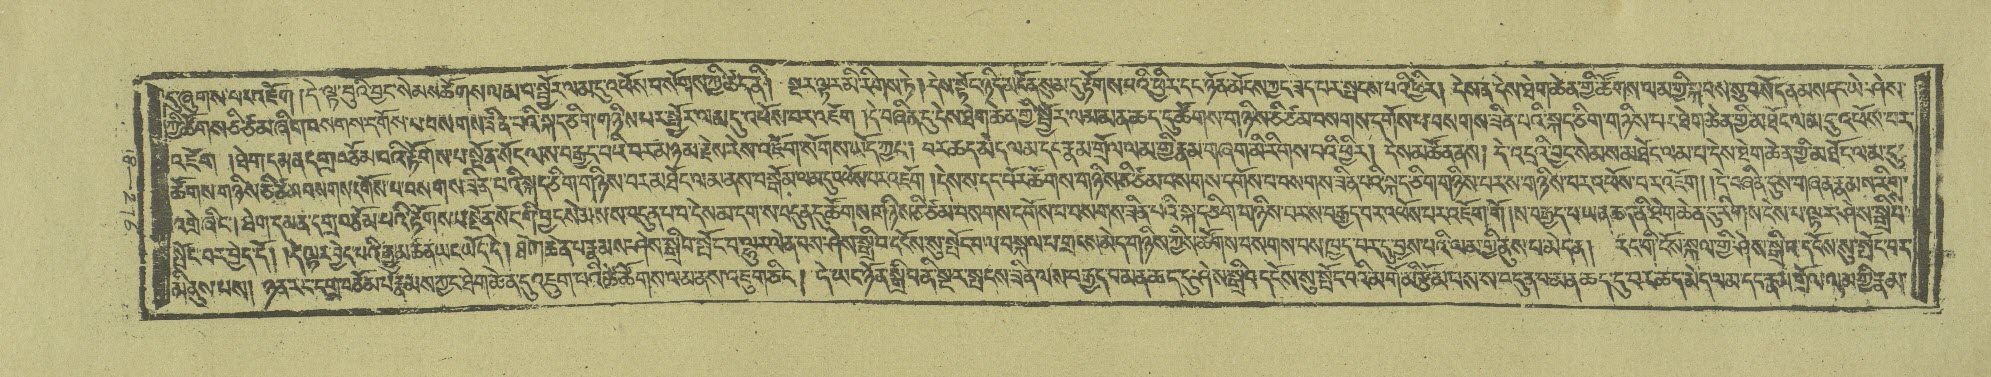དུ་ཞུགས་པར་འཇོག །དེ་ལྟ་བུའི་བྱང་སེམས་ཚོགས་ལམ་བ་སྦྱོར་ལམ་དུ་འཕོས་བསོགས་ཀྱི་ཚད་ནི། སྔར་ལྟར་མི་རིགས་ཏེ། དེས་སྟོང་ཉིད་མངོན་སུམ་དུ་རྟོགས་པའི་ཕྱིར་དང་ཉོན་མོངས་ཀྱང་ཟད་པར་སྤངས་པའི་ཕྱིར། དེས་ན་དེས་ཐེག་ཆེན་གྱི་ཚོགས་ལམ་གྱི་སྐབས་སུ་བསོད་ནམས་དང་ཡེ་ཤེས་
ཀྱི་ཆགས་ཅི་ཙམ་ཞིག་བསགས་དགོས་པ་བསགས་ཟིན་པའི་སྐད་ཅིག་གཉིས་པར་སྦྱོར་ལམ་དུ་འཕོས་པར་འཇོག །དེ་བཞིན་དུ་དེས་ཐེག་ཆེན་གྱི་སྦྱོར་ལམ་མན་ཆད་དུ་ཚོགས་གཉིས་ཅི་ཙམ་བསགས་དགོས་པ་བསགས་ཟིན་པའི་སྐད་ཅིག་གཉིས་པར་ཐེག་ཆེན་གྱི་མཐོང་ལམ་དུ་འཕོས་པར་
འཇོག །ཐེག་དམན་དགྲ་བཅོམ་པའི་རྟོགས་པ་སྔོན་སོང་ལས་བརྒྱད་པའི་བར་མཉམ་རྗེས་རེས་འཇོག་སོགས་ཡོད་ཀྱང་། བར་ཆད་མེད་ལམ་དང་རྣམ་གྲོལ་ལམ་གྱི་རྣམ་གཞག་མི་རིགས་པའི་ཕྱིར། དེས་མཚོན་ནས། དེ་འདྲའི་བྱང་སེམས་མཐོང་ལམ་པ་དེས་ཐེག་ཆེན་གྱི་མཐོང་ལམ་དུ་
ཚོགས་གཉིས་ཅི་ཙམ་བསགས་དགོས་པ་བསགས་ཟིན་པའི་སྐད་ཅིག་གཉིས་པར་མཐོང་ལམ་ནས་བསྒོམ་ལམ་དུ་འཕོས་པར་འཇོག །དེས་ས་དང་པོར་ཚོགས་གཉིས་ཅི་ཙམ་བསགས་དགོས་པ་བསགས་ཟིན་པའི་སྐད་ཅིག་གཉིས་བར་ས་གཉིས་བར་འཕོས་པར་འཇོག ། །དེ་བཞིན་དུས་གཞན་རྣམས་རིགས་
འགྲེ་ཞིང་། ཐེག་དམན་དགྲ་བཅོམ་པའི་རྟོགས་པ་སྔོན་སོང་གི་བྱང་སེམས་ས་བདུན་པ་བ་དེས་མ་དག་ས་བདུན་དུ་ཚོགས་གཉིས་ཅི་ཙམ་བསགས་དགོས་པ་བསགས་ཟིན་པའི་སྐད་ཅིག་གཉིས་པར་ས་བརྒྱད་པར་འཕོས་པར་འཇོག་གོ །ས་བརྒྱད་པ་ཡན་ཆད་ནི་ཐེག་ཆེན་དུ་རིགས་ངེས་པ་ལྟར་ཤེས་སྒྲིབ་
སྤོང་བར་བྱེད་དེ། །དེ་ལྟར་བྱེད་པའི་རྒྱུ་མཚན་ཡང་ཡོད་དེ། ཐེག་ཆེན་པ་རྣམས་ཤེས་སྒྲིབ་སྤོང་བ་ལྷུར་ལེན་པས་ཤེས་སྒྲིབ་དངོས་སུ་སྤོང་བ་ལ་བསྐལ་བ་གྲངས་མེད་གཉིས་ཀྱིས་ཚོགས་བསགས་པས་ཁྱད་པར་དུ་བྱས་པའི་ལམ་གྱི་ནུས་པ་མེད་ན། རང་གི་ངོས་སྐལ་གྱི་ཤེས་སྒྲིབ་དངོས་སུ་སྤོང་བར་
མི་ནུས་པས། ཉན་རང་དགྲ་བཅོམ་པ་རྣམས་ཀྱང་ཐེག་ཆེན་དུ་འཇུག་པའི་ཚེ་ཚོགས་ལམ་ནས་འཇུག་ཅིང་། དེ་ཡང་ཉོན་སྒྲིབ་ནི་སྔར་སྤངས་ཟིན་ལས་བརྒྱད་པ་མན་ཆད་དུ་ཤེས་སྒྲིབ་དངོས་སུ་སྤོང་བའི་མགོ་མི་རྩོམ་པས་ས་བདུན་པ་མན་ཆད་དུ་བར་ཆད་མེད་ལམ་དང་རྣམ་གྲོལ་ལམ་ཀྱི་རྣམ་